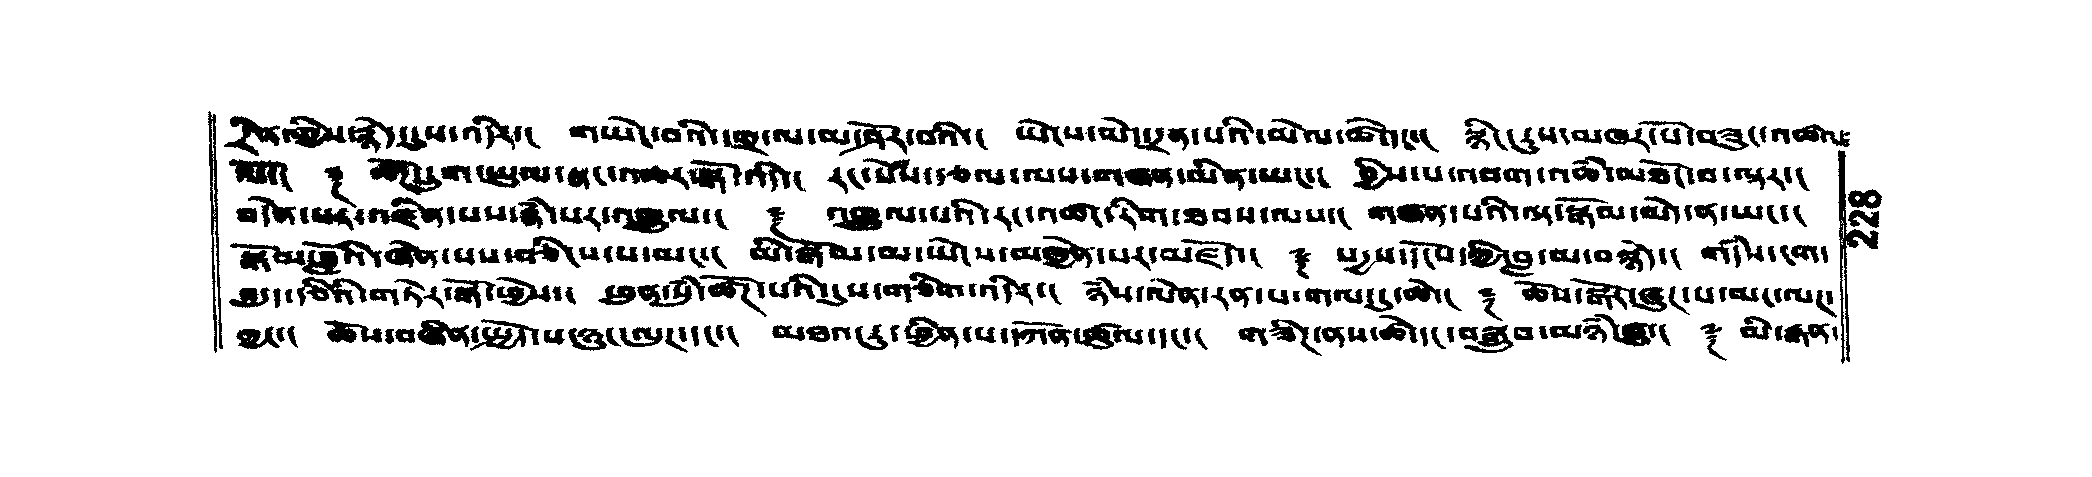དྲིན་གྱིས་རྙེད་དུས་འདིར། །གཡེང་བའི་དགྲ་ལ་མ་ཤོར་བའི། །ཡེངས་མེད་དྲན་པའི་མེལ་ཚེ་དང་། །སྙིང་རུས་མཁར་སོ་བཟུང་འཚལ་
ལོ། ༈ ཚོགས་དྲུག་ཡུལ་སྣང་འཆར་སྒོ་འདི། །རང་སེམས་རྩལ་ལས་གཞན་མིན་ཡང་། །བྱིས་པ་འབག་འཆམ་མཐོང་བ་ལྟར། །
བདེན་ལྟ་འཛིན་པས་རྣམ་པར་འཁྲུལ། ༈ འཁྲུལ་པའི་རང་མཚང་རིག་ཐབས་ལས། གཞན་པའི་ལྟ་སྒོམ་མེད་ན་ཡང་། །
སྒོམ་བློའི་ཞེན་པས་བཅིངས་པ་མང་། །མི་སྒོམ་མ་ཡེངས་མཁྱེན་པར་མཛོད། ༈ སངས་རྒྱས་དངོས་ཀྱི་བླ་མ་བརྙེད། །གདམས་ངག་
འདུད་རྩིའི་གཏེར་སྒོ་ཕྱེས། །ཕུན་སུམ་ཚོགས་པའི་དུས་གཅིག་འདིར། །ཉམས་ལེན་རན་པ་གལ་དུ་ཆེ།༈ ཆོས་སྒོར་ཞུགས་པ་མང་ལགས་
ཀྱང་། །ཆོས་བཞིན་སྤྱོད་པ་ཉུང་ལགས་དང་། །མཐའ་རུ་ཕྱིན་པ་དཀོན་ཚུལ་དང་། །གཟིགས་ནས་ཚེ་དང་བསྒྲུབ་མཉམ་ཞུ། ༈ མི་རྒན་